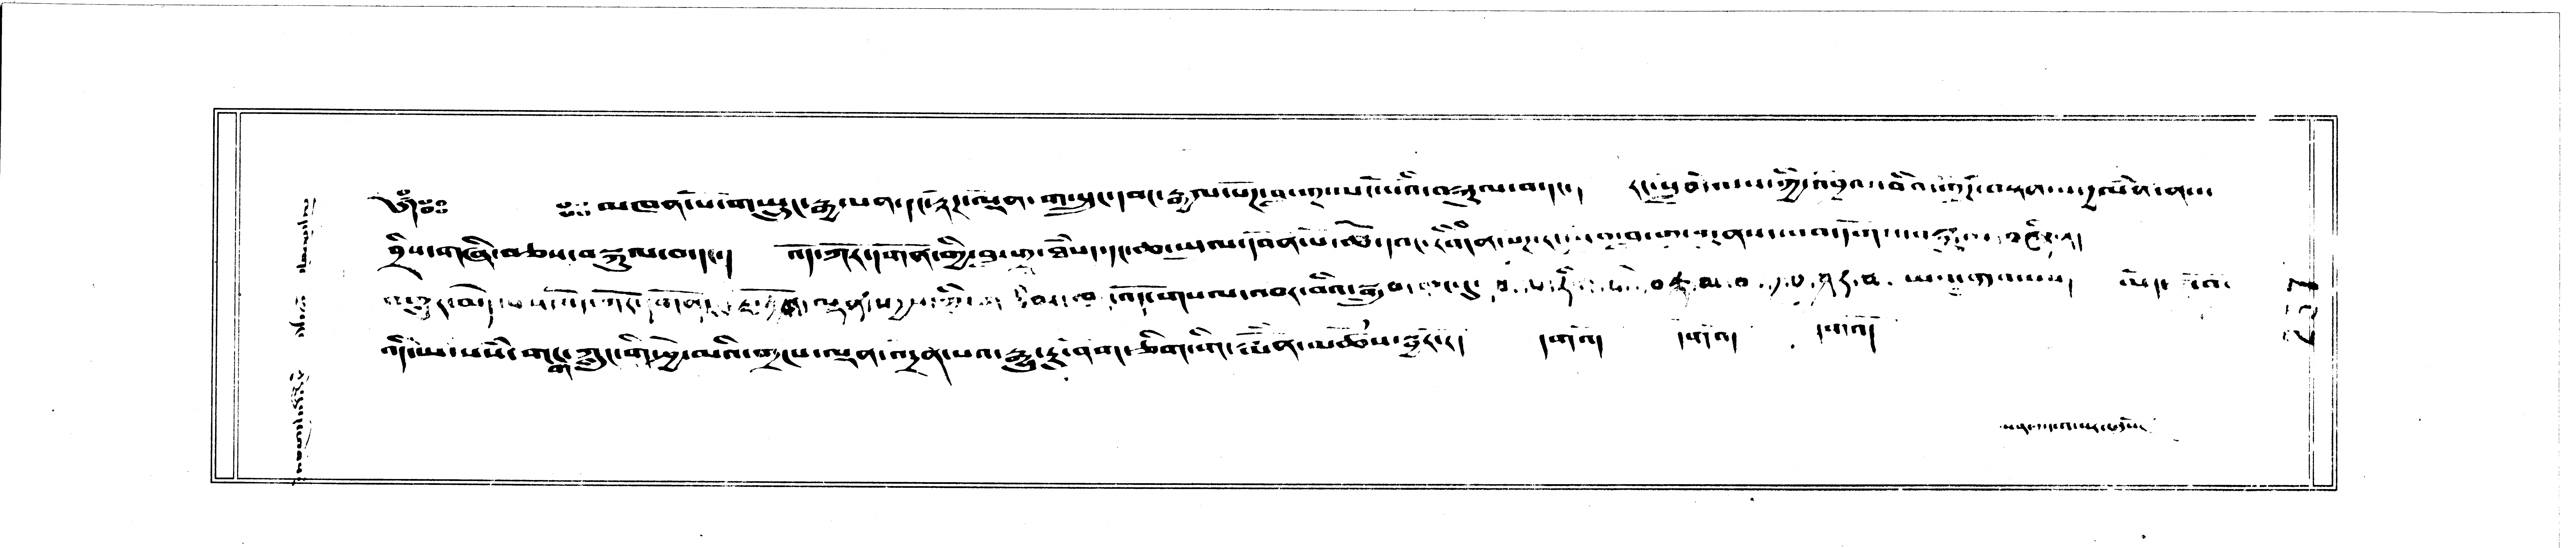མཁན་པོ་གཡུང་དྲུང་རྒྱལ་མཚན་དངཿ རྟོགས་ལྡན་གཡུང་དྲུང་དབང་རྒྱལ་སོགས་བླ་གྲྭ་མང་པོས་བསྐུལ་བ་དངཿ རང་སློབ་ལས་ཀྱིས་འབྲེལ་བའི་གྲོགས་བསྟན་པ་རྒྱལ་མཚན་ནས་
བྲིས་གཞི་བཅས་བསྐུར་བ་དངཿ འོད་ཀོར་དགོན་གྱི་བླ་གྲྭ་ཐམས་ཅད་དངཿ ཆ་ཡུལ་དབོན་པོ་ཚེ་དབང་རིག་འཛིན་སོགས་རང་སློབ་བླ་གྲྭ་ཀུན་ནས་༼༽དགོས་བསྐུལ་བཞིན་ནཿ 
འགྱུར་མེད་པས་འོད་ཀོར་དགོན་དུ་རྟོགས་ལྡན་སངས་རྒྱས་ཀྱི་གཟིམ་ཁང་འོད་གསལ་འབར་བའི་སྒྲུབ་ཁང་དུ་
༼འདིར་མི་གསལ༽གངྒཱ་ཀླུང་གི་བྱེ་མའི་གྲངས་ལྡན་འདྲེན་པའི་རྒྱུ་རུ་ཤོག་ཅིག་གི་སྨོན་ལམ་མཚམས་སྦྱར་རོཿ དགེའོཿ དགེའོཿ དགེའོཿ